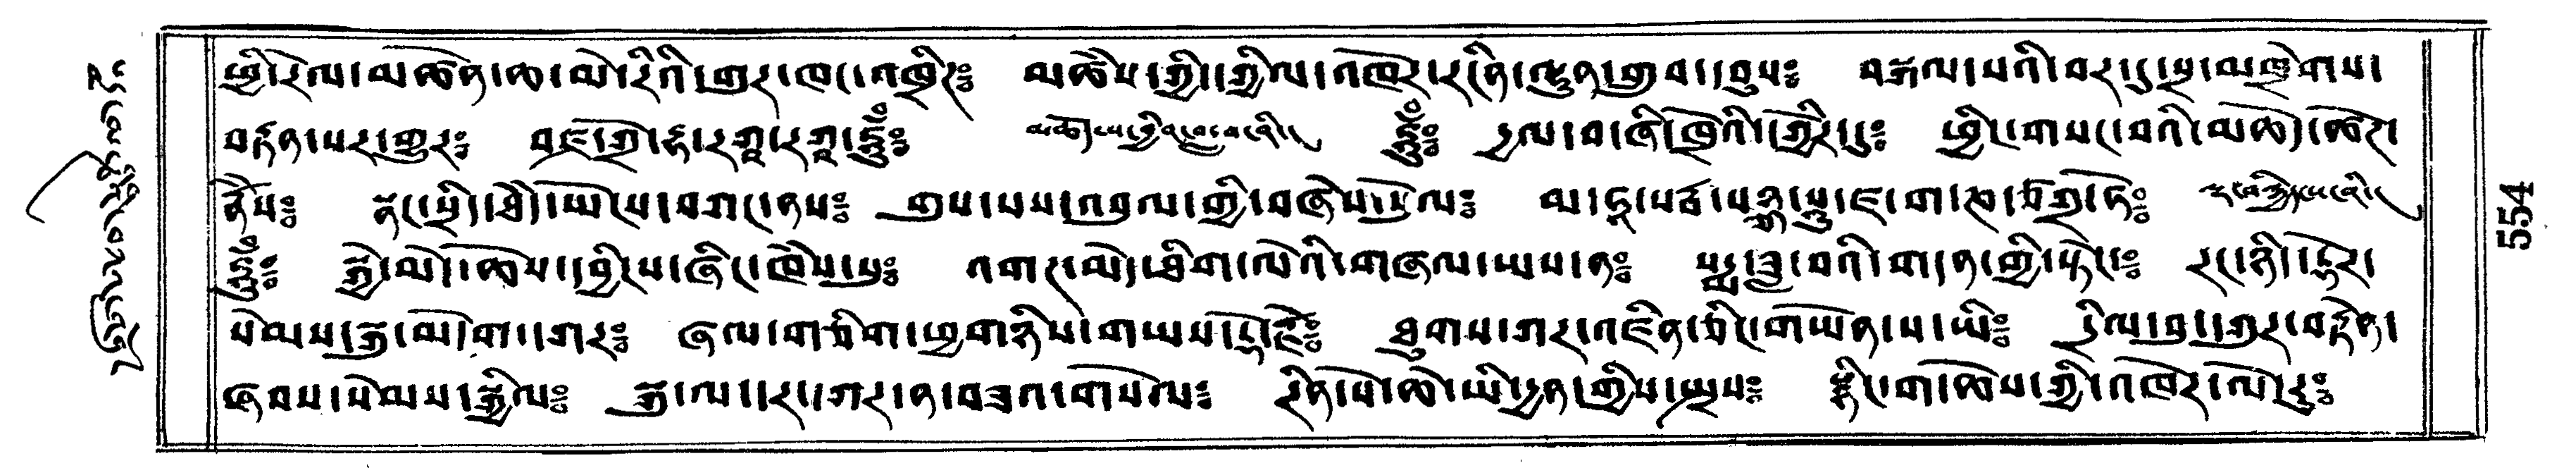ཕྱི་རོལ་མཚོན་ཆ་མེ་རིའི་གུར་ཁང་འཁྲིགས༔ མཚམས་ཀྱི་དཀྱིལ་འཁོར་རང་བཞིན་ལྷུན་གྲུབ་དབུས༔ བསྐལ་པའི་བར་དུ་སྲ་མཁྲེགས་
བརྟན་པར་གྱུར༔ བཛྲ་ཀྲོ་དྷ་རཀྵ་རཀྵ་ཧཱུྃ༔ མཆོད་པ་བྱིན་བརླབ་ནི། ཧཱུྃ༔ རྒྱལ་བ་ཞི་ཁྲོའི་དཀྱིལ་འཁོར་དུ༔ ཕྱི་ནང་གསང་བའི་མཆོད་ཚོགས་
རྣམས༔ སྣང་སྲིད་ཐམས་ཅད་ཡོངས་བཀང་ནས༔ གུས་པས་འབུལ་གྱི་བཞེས་སུ་གསོལ༔ མ་ཧཱ་སརྦ་པཉྩ་པཱུ་ཛ་གཱ་ཎ་ཙཀྲ་ཧོ༔ ལྷ་བསྐྱེད་པ་ནི། 
ཧཱུྃ༔ སྐྱེ་མེད་ཆོས་དབྱིངས་ཞིང་ཁམས་སུ༔ འགགས་མེད་ཐིག་ལེའི་གཞལ་ཡས་ན༔ པདྨ་ཟླ་བའི་གདན་གྱི་སྟེང༔ རང་ཉིད་རྡོར་
སེམས་སྐུ་མདོག་དཀར༔ ཞལ་གཅིག་ཕྱག་གཉིས་གཡས་རྡོ་རྗེ༔ ཐུགས་ཀར་འཛིན་ཅིང་གཡོན་པ་ཡི༔ དྲིལ་བུ་དཀུར་བརྟེན་
ཞབས་སེམས་སྐྱིལ༔ སྐུ་ལ་དར་དཀར་ན་བཟའ་གསོལ༔ རིན་པོ་ཆེ་ཡི་རྒྱན་གྱིས་སྤྲས༔ སྙིང་ག་ཆོས་ཀྱི་འཁོར་ལོ་རུ༔